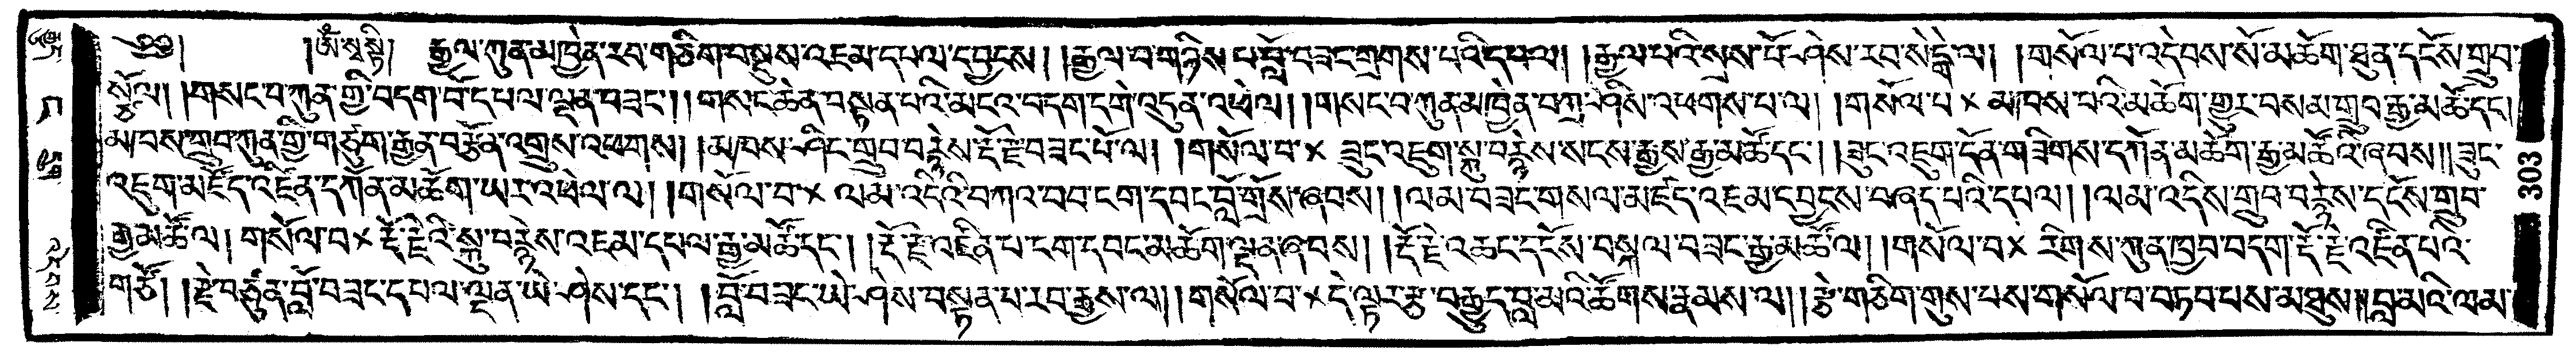༄༅། །ཨོཾ་སྭ་སྟི། རྒྱལ་ཀུན་མཁྱེན་རབ་གཅིག་བསྡུས་འཇམ་དཔལ་དབྱངས། །རྒྱལ་བ་གཉིས་པ་བློ་བཟང་གྲགས་པའི་དཔལ། །རྒྱལ་བའི་སྲས་པོ་ཤེས་རབ་སེངྒེ་ལ། །གསོལ་བ་འདེབས་སོ་མཆོག་ཐུན་དངོས་གྲུབ་
སྩོལ། །གསང་བ་ཀུན་གྱི་བདག་པོ་དཔལ་ལྡན་བཟང་། །གསང་ཆེན་བསྟན་པའི་མངའ་བདག་དགེ་འདུན་འཕེལ། །གསང་བ་ཀུན་མཁྱེན་བཀྲ་ཤིས་འཕགས་པ་ལ། །གསོལ་བ་{྾}་མཁས་པའི་མཆོག་གྱུར་བསམ་གྲུབ་རྒྱ་མཚོ་དང་། །
མཁས་གྲུབ་ཀུན་གྱི་གཙུག་རྒྱན་བརྩོན་འགྲུས་འཕགས། །མཁས་ཤིང་གྲུབ་བརྙེས་རྡོ་རྗེ་བཟང་པོ་ལ། །གསོལ་བ་{྾}་ཟུང་འཇུག་སྐུ་བརྙེས་སངས་རྒྱས་རྒྱ་མཚོ་དང་། །ཟུང་འཇུག་དོན་གཟིགས་དཀོན་མཆོག་རྒྱ་མཚོའི་ཞབས། །ཟུང་
འཇུག་མཛོད་འཛིན་དཀོན་མཆོག་ཡར་འཕེལ་ལ། །གསོལ་བ་{྾}་ལམ་འདིའི་བཀའ་བབ་ངག་དབང་བློ་གྲོས་ཞབས། །ལམ་བཟང་གསལ་མཛད་འཇམ་དབྱངས་བཞད་པའི་དཔལ། །ལམ་འདིས་གྲུབ་བརྙེས་དངོས་གྲུབ་
རྒྱ་མཚོ་ལ། །གསོལ་བ་{྾}་རྡོ་རྗེའི་སྐུ་བརྙེས་འཇམ་དཔལ་རྒྱ་མཚོ་དང་། །རྡོ་རྗེ་འཛིན་པ་ངག་དབང་མཆོག་ལྡན་ཞབས། །རྡོ་རྗེ་འཆང་དངོས་བསྐལ་བཟང་རྒྱ་མཚོ་ལ། །གསོལ་བ་{྾}་རིགས་ཀུན་ཁྱབ་བདག་རྡོ་རྗེ་འཛིན་པའི་
གཙོ། །རྗེ་བཙུན་བློ་བཟང་དཔལ་ལྡན་ཡེ་ཤེས་དང་། །བློ་བཟང་ཡེ་ཤེས་བསྟན་པ་རབ་རྒྱས་ལ། །གསོལ་བ་{྾}་དེ་ལྟར་རྩ་བརྒྱུད་བླ་མའི་ཚོགས་རྣམས་ལ། །རྩེ་གཅིག་གུས་པས་གསོལ་བ་བཏབ་པས་མཐུས། །བླ་མའི་ལམ་